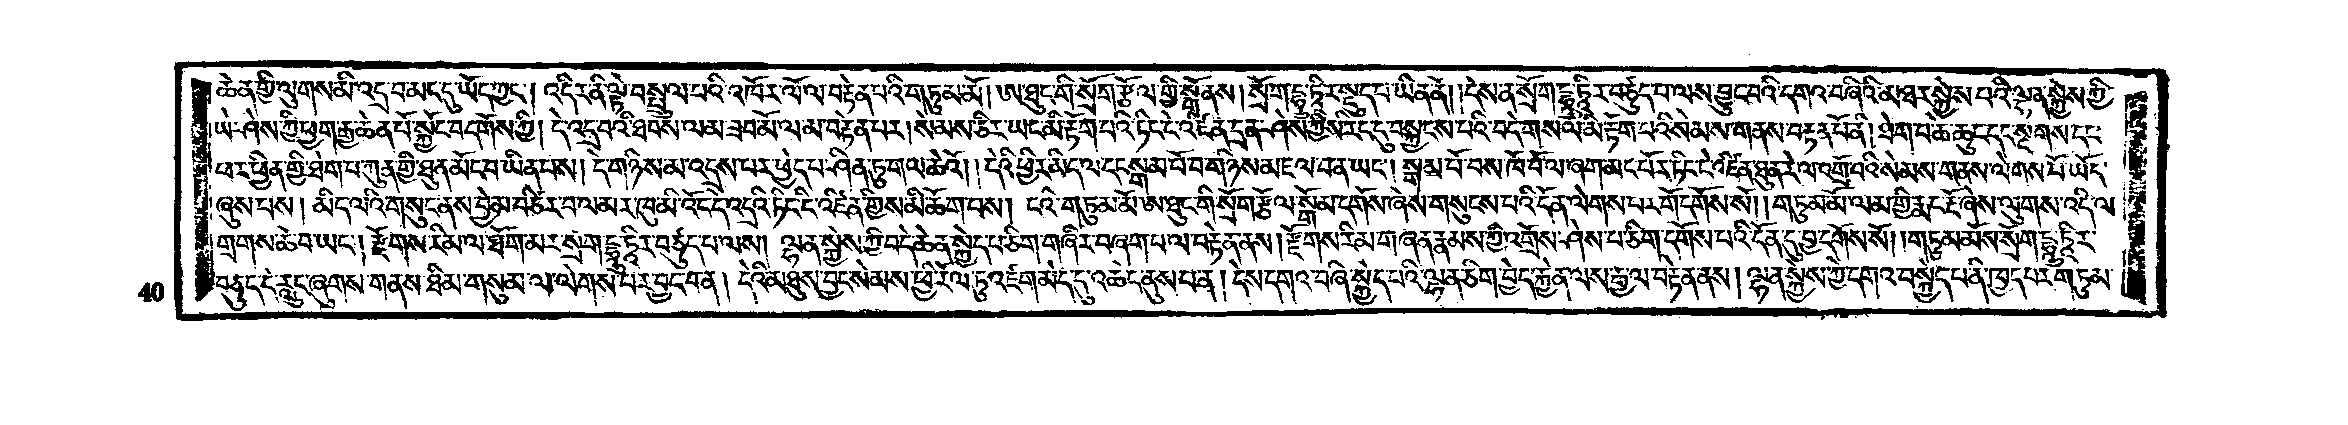ཆེན་གྱི་ལུགས་མི་འདྲ་བ་མང་དུ་ཡོད་ཀྱང་། འདིར་ནི་ལྟེ་བ་སྤྲུལ་པའི་འཁོར་ལོ་ལ་བརྟེན་པའི་གཏུམ་མོ། ཨ་ཐུང་གི་སྲོག་རྩོལ་གྱི་སྒོ་ནས། སྲོག་དྷཱུ་ཏཱིར་སྡུད་པ་ཡིན་ནོ། །དེས་ན་སྲོག་དྷཱུ་ཏཱིར་བཙུད་པ་ལས་བྱུང་བའི་དགའ་བཞིའི་མཐར་སྐྱེས་པའི་ལྷན་སྐྱེས་ཀྱི་
ཡེ་ཤེས་ཀྱི་ཕྱག་རྒྱ་ཆེན་པོ་སྐྱོང་བ་དགོས་ཀྱི། དེ་འདྲ་བའི་ཐབས་ལམ་ཟབ་མོ་ལ་མ་བརྟེན་པར། སེམས་ཅིར་ཡང་མི་རྟོག་པའི་ཏིང་ངེ་འཛིན་དྲན་ཤེས་ཀྱིས་རིང་དུ་བསྐྱངས་པའི་བདེ་གསལ་མི་རྟོག་པའི་སེམས་གནས་བརྟན་པོ་ནི། ཐེག་པ་ཆེ་ཆུང་དང་སྔགས་དང་
ཕར་ཕྱིན་གྱི་ཐེག་པ་ཀུན་གྱི་ཐུན་མོང་བ་ཡིན་པས། དེ་གཉིས་མ་འདྲེས་པར་ཕྱེད་པ་ཤིན་ཏུ་གལ་ཆེའོ། །དེའི་ཕྱིར་མིད་ལ་དང་སྒམ་པོ་བ་གཉིས་མཇལ་བ་ན་ཡང་། སྒམ་པོ་བས་ཁོ་བོ་ལ་ཞག་མང་པོར་ཏིང་ངེ་འཛིན་ཐུན་རེ་ལ་འགྲོ་བའི་སེམས་གནས་ལེགས་པོ་ཡོད་
ཞུས་པས། མིད་ལའི་གསུང་ནས་བྱེ་མ་བཙིར་བ་ལ་མར་ཁུ་མི་འོང་དེ་འདྲའི་ཏིང་ངེ་འཛིན་གྱིས་མི་ཆོག་པས། ངའི་གཏུམ་མོ་ཨ་ཐུང་གི་སྲོག་རྩོལ་སྒོམ་དགོས་ཞེས་གསུངས་པའི་དོན་ལེགས་པར་གོ་དགོས་སོ། །གཏུམ་མོ་ལམ་གྱི་རྨང་རྡོ་ཞེས་ལུགས་འདི་ལ་
གྲགས་ཆེ་བ་ཡང་། རྫོགས་རིམ་ལ་ཐོག་མར་སྲོག་དྷཱུ་ཏཱིར་བཙུད་པ་ལས། ལྷན་སྐྱེས་ཀྱི་བདེ་ཆེན་སྐྱེད་པ་ཅིག་གཞིར་བཞག་པ་ལ་བརྟེན་ནས། རྫོགས་རིམ་གཞན་རྣམས་ཀྱི་འགྲོས་ཤེས་པ་ཅིག་དགོས་པའི་དོན་དུ་བྱ་དགོས་སོ། །གཏུམ་མོས་སྲོག་དྷཱུ་ཏཱིར་
བཙུད་དེ་རླུང་ཞུགས་གནས་ཐིམ་གསུམ་ལ་ལེགས་པར་བྱང་བ་ན། དེའི་མཐུས་བྱང་སེམས་ཕྱི་རོལ་ཏུ་འཛག་མེད་དུ་འཆིང་ནུས་པ་ན། དེས་དགའ་བཞི་སྐྱེད་པའི་ལྷན་ཅིག་བྱེད་རྐྱེན་ལས་རྒྱ་ལ་བརྟེན་ནས། ལྷན་སྐྱེས་ཀྱེ་དགའ་བསྐྱེད་པ་ནི་ཁྱད་པར་གཏུམ་